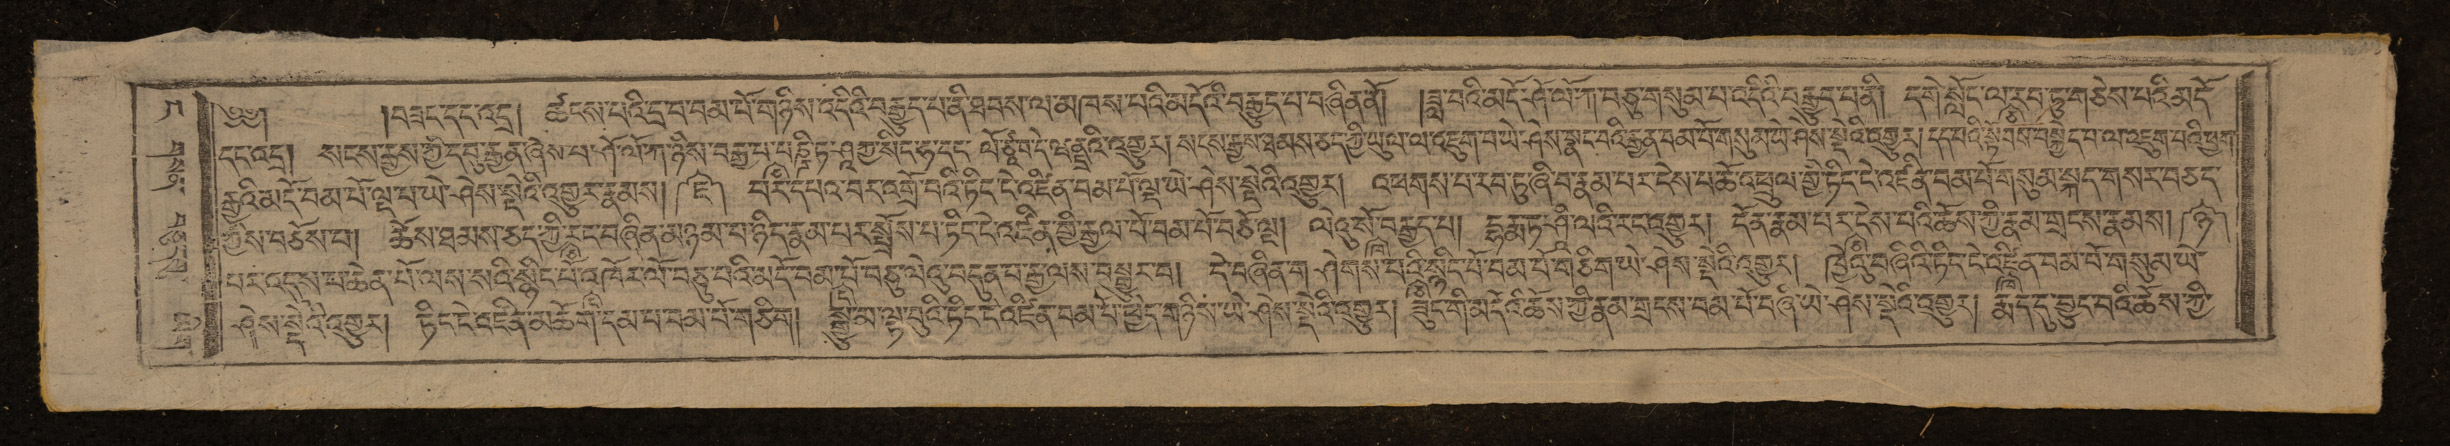༄༅། །བཟང་དང་འདྲ། ཚངས་པའི་དྲ་བ་བམ་པོ་གཉིས་འདིའི་བརྒྱུད་པ་ནི་ཐབས་ལ་མཁས་པའི་མདོའི་བརྒྱུད་པ་བཞིན་ནོ། །ཟླ་བའི་མདོ་ཤོ་ལོ་ཀ་བཅུ་གསུམ་པ་འདིའི་བརྒྱུད་པ་ནི། དགེ་སློང་ལ་རབ་ཏུ་གཅེས་པའི་མདོ་
དང་འདྲ། སངས་རྒྱས་ཀྱི་དབུ་རྒྱན་ཞེས་པ་ཤོ་ལོ་ཀ་ཉིས་བརྒྱ་པ་པཎྜི་ཏ་ཤཱཀྱ་སིང་ཧ་དང་ལོ་ཙཱ་བ་དེ་ཝནྡྲའི་འགྱུར། སངས་རྒྱས་ཐམས་ཅད་ཀྱི་ཡུལ་ལ་འཇུག་པ་ཡེ་ཤེས་སྣང་བའི་རྒྱན་བམ་པོ་གསུམ་ཡེ་ཤེས་སྡེའི་འགྱུར། དད་པའི་སྟོབས་བསྐྱེད་པ་ལ་འཇུག་པའི་ཕྱག་
རྒྱའི་མདོ་བམ་པོ་ལྔ་པ་ཡེ་ཤེས་སྡེའི་འགྱུར་རྣམས། {ཇ}་པར་དཔའ་བར་འགྲོ་བའི་ཏིང་ངེ་འཛིན་བམ་པོ་ལྔ་ཡེ་ཤེས་སྡེའི་འགྱུར། འཕགས་པ་རབ་ཏུ་ཞི་བ་རྣམ་པར་ངེས་པ་ཆོ་འཕྲུལ་གྱི་ཏིང་ངེ་འཛིན་བམ་པོ་གསུམ་སྐད་གསར་བཅད་
ཀྱིས་བཅོས་པ། ཆོས་ཐམས་ཅད་ཀྱི་རང་བཞིན་མཉམ་པ་ཉིད་རྣམ་པར་སྤྲོས་པ་ཏིང་ངེ་འཛིན་གྱི་རྒྱལ་པོ་བམ་པོ་བཅོ་ལྔ། ལེའུ་སོ་བརྒྱད་པ། དྷརྨ་ཏ་ཤཱི་ལའི་རང་འགྱུར། དོན་རྣམ་པར་ངེས་པའི་ཆོས་ཀྱི་རྣམ་གྲངས་རྣམས། {ཉ}
པར་འདུས་པ་ཆེན་པོ་ལས་སའི་སྙིང་པོ་འཁོར་ལོ་བཅུ་པའི་མདོ་བམ་པོ་བཅུ་ལེའུ་བདུན་པ་རྒྱ་ལས་བསྒྱུར་བ། དེ་བཞིན་གཤེགས་པའི་སྙིང་པོ་བམ་པོ་གཅིག་ཡེ་ཤེས་སྡེའི་འགྱུར། ཁྱེའུ་བཞིའི་ཏིང་ངེ་འཛིན་བམ་པོ་གསུམ་ཡེ་
ཤེས་སྡེའི་འགྱུར། ཏིང་ངེ་འཛིན་མཆོག་དམ་པ་བམ་པོ་གཅིག། སྒྱུ་མ་ལྟ་བུའི་ཏིང་ངེ་འཛིན་བམ་པོ་ཕྱེད་གཉིས་ཡེ་ཤེས་སྡེའི་འགྱུར། ཟུང་གི་མདོའི་ཆོས་ཀྱི་རྣམ་གྲངས་བམ་པོ་བཞི་ཡེ་ཤེས་སྡེའི་འགྱུར། རྨད་དུ་བྱུང་བའི་ཆོས་ཀྱི་